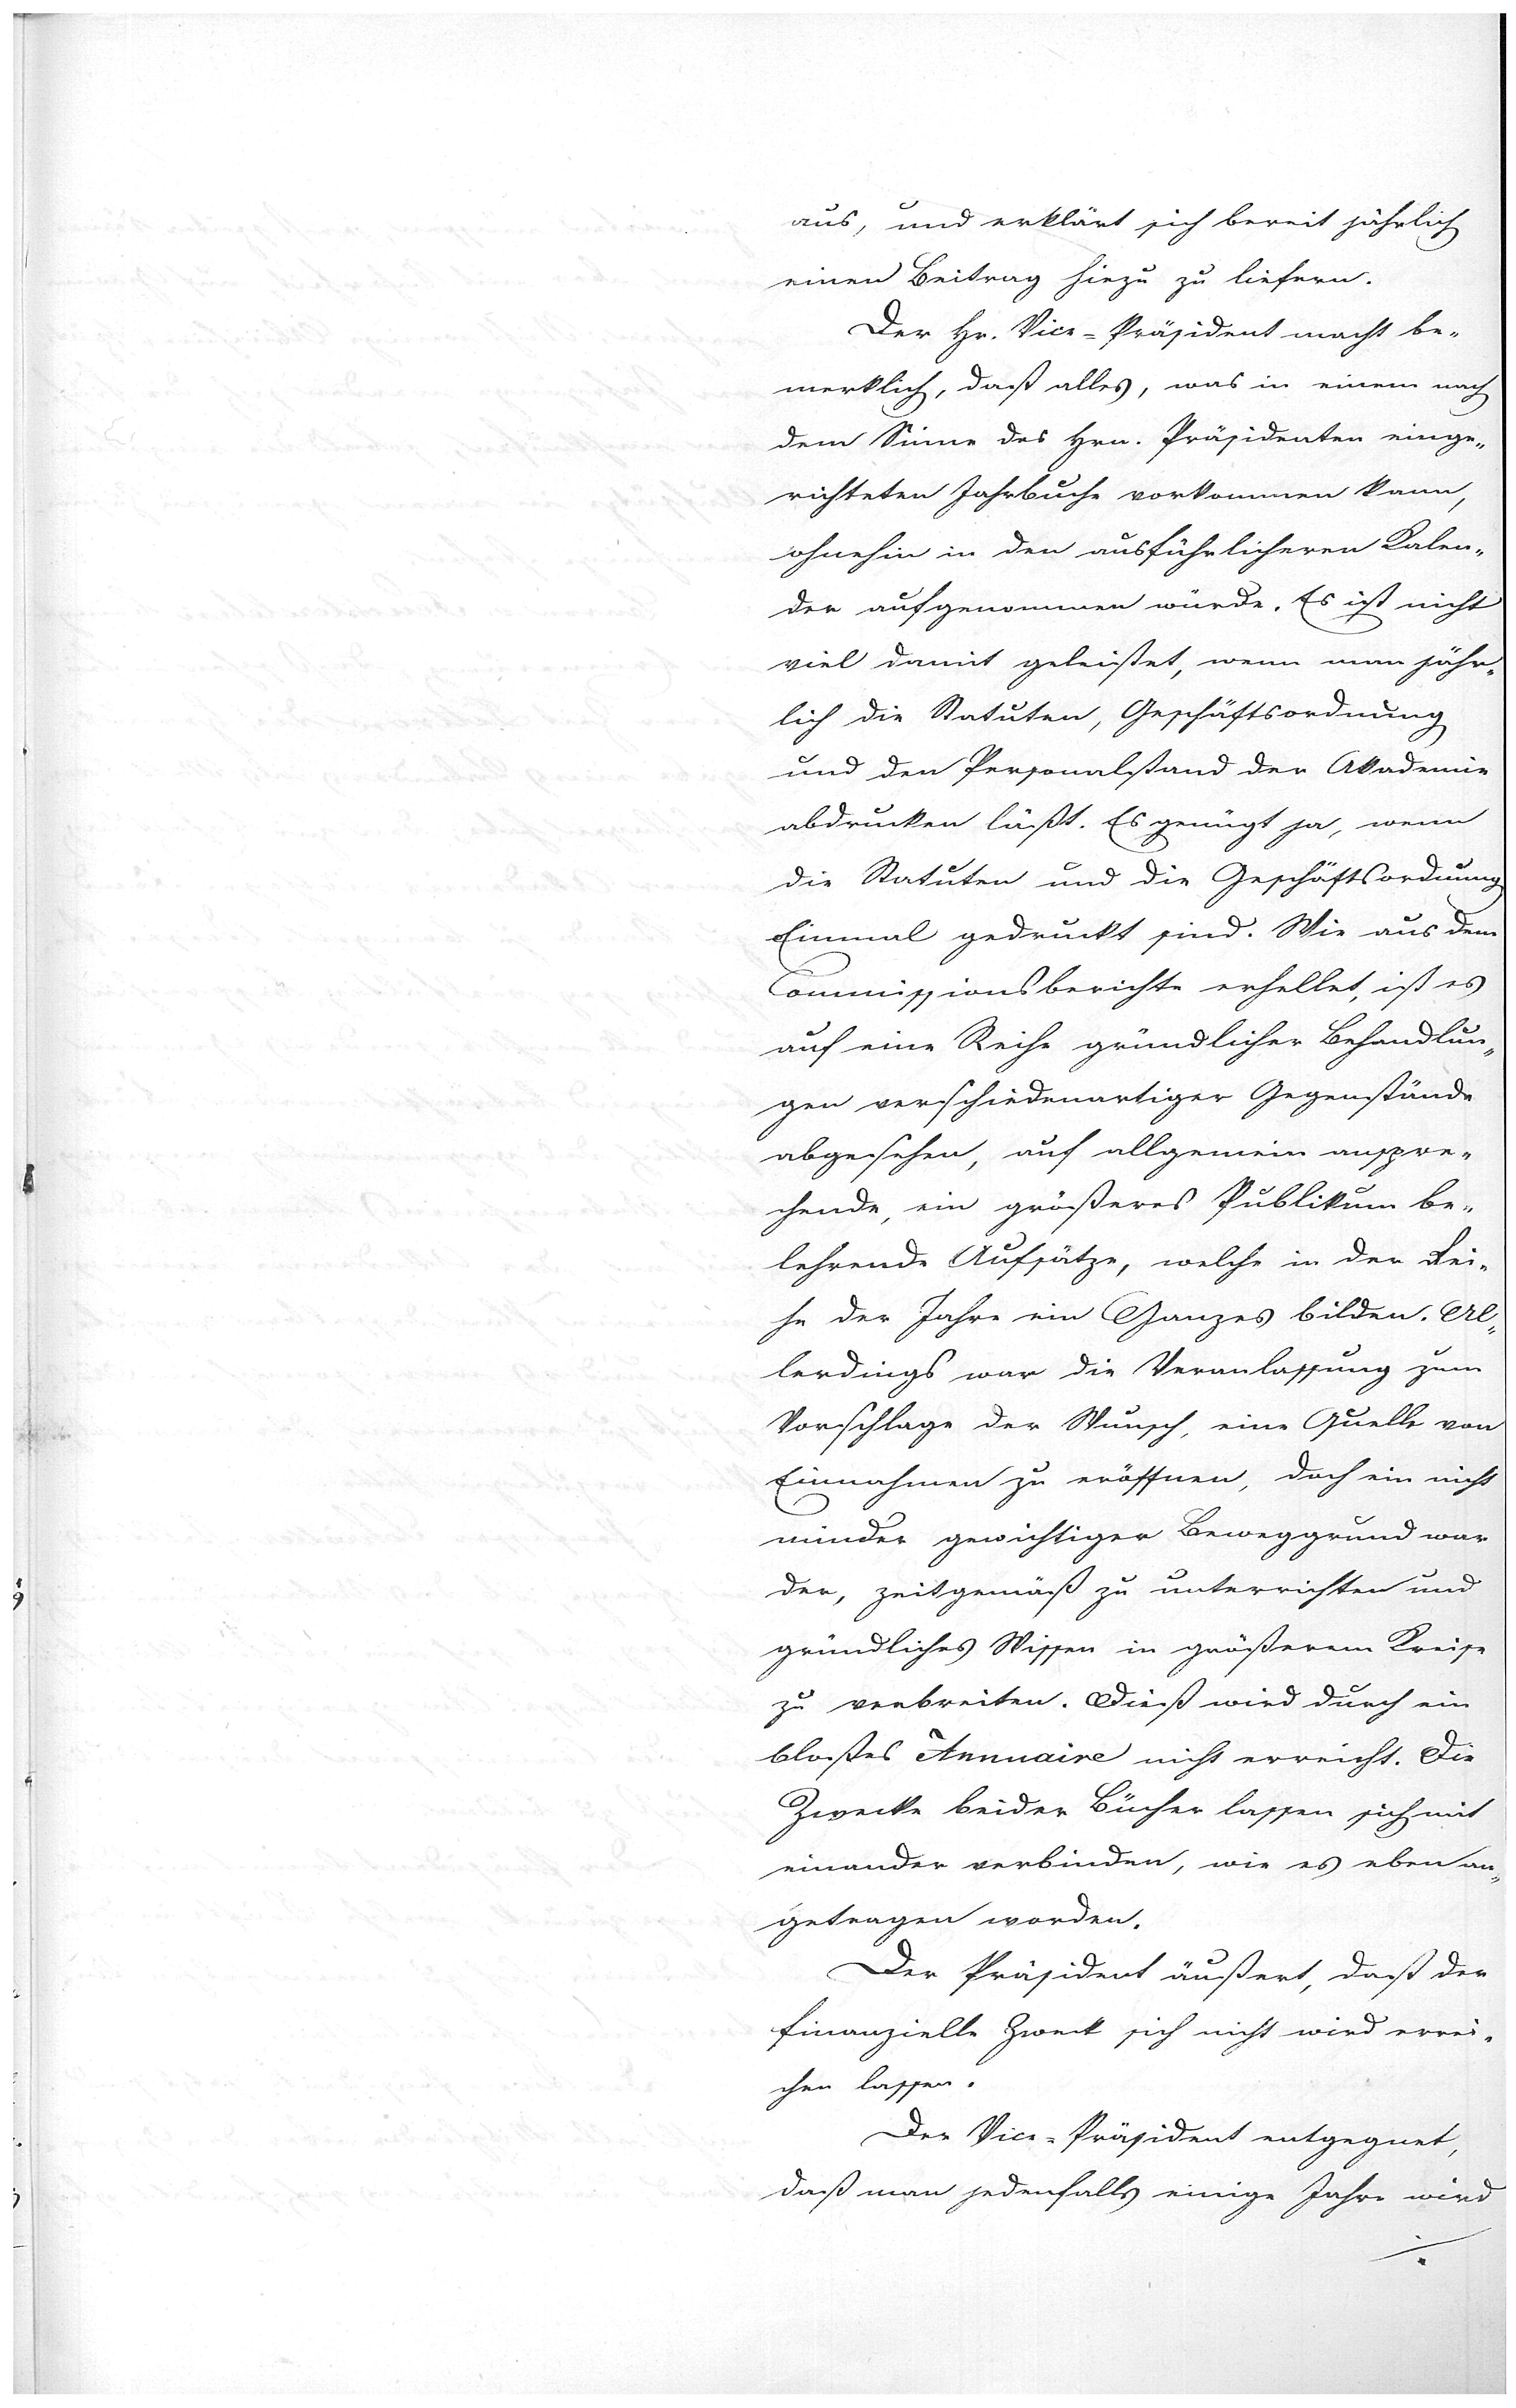aus, und erklärt sich bereit jährlich
einen Beitrag hiezu zu liefern.
Der Hr. Vice-Präsident macht be-
merklich, daß alles, was in einem nach
dem Sinne des Hrn. Präsidenten einge-
richteten Jahrbuche vorkommen kann,
ohnehin in den ausführlicheren Kalen-
der aufgenommen würde. Es ist nicht
viel damit geleistet, wenn man jähr-
lich die Statuten, Geschäftsordnung
und den Personalstand der Akademie
abdrucken läßt. Es genügt ja, wenn
die Statuten und die Geschäftsordnung
Einmal gedruckt sind. Wie aus dem
Commissionsberichte erhellet, ist es
auf eine Reihe gründlicher Behandlun-
gen verschiedenartiger Gegenständen
abgesehen, auf allgemein anspre-
chenden, ein größeres Publikum be-
lehrende Aufsätze, welche in der Rei-
che der Jahre ein Ganzes bilden. Al-
lerdings war die Veranlassung zum
Vorschlage der Wunsch, eine Quelle von
Einnahmen zu eröffnen, doch ein nicht
minder gewichtiger Beweggrund war
der, zeitgemäß zu unterrichten und
gründliches Wissen in größerem Kreise
zu verbreiten. Dieß wird durch ein
bloße Annuaire nicht erreicht. Die
Zwecke beiden Bücher lassen sich mit
einander verbinden, wie es eben an-
getragen worden.
Der Präsident äußert, daß der
finanzielle Zweck sich nicht wird errei-
chen lassen.
Der Vice-Präsident entgegnet,
daß man jedenfalls einiges Jahre wird